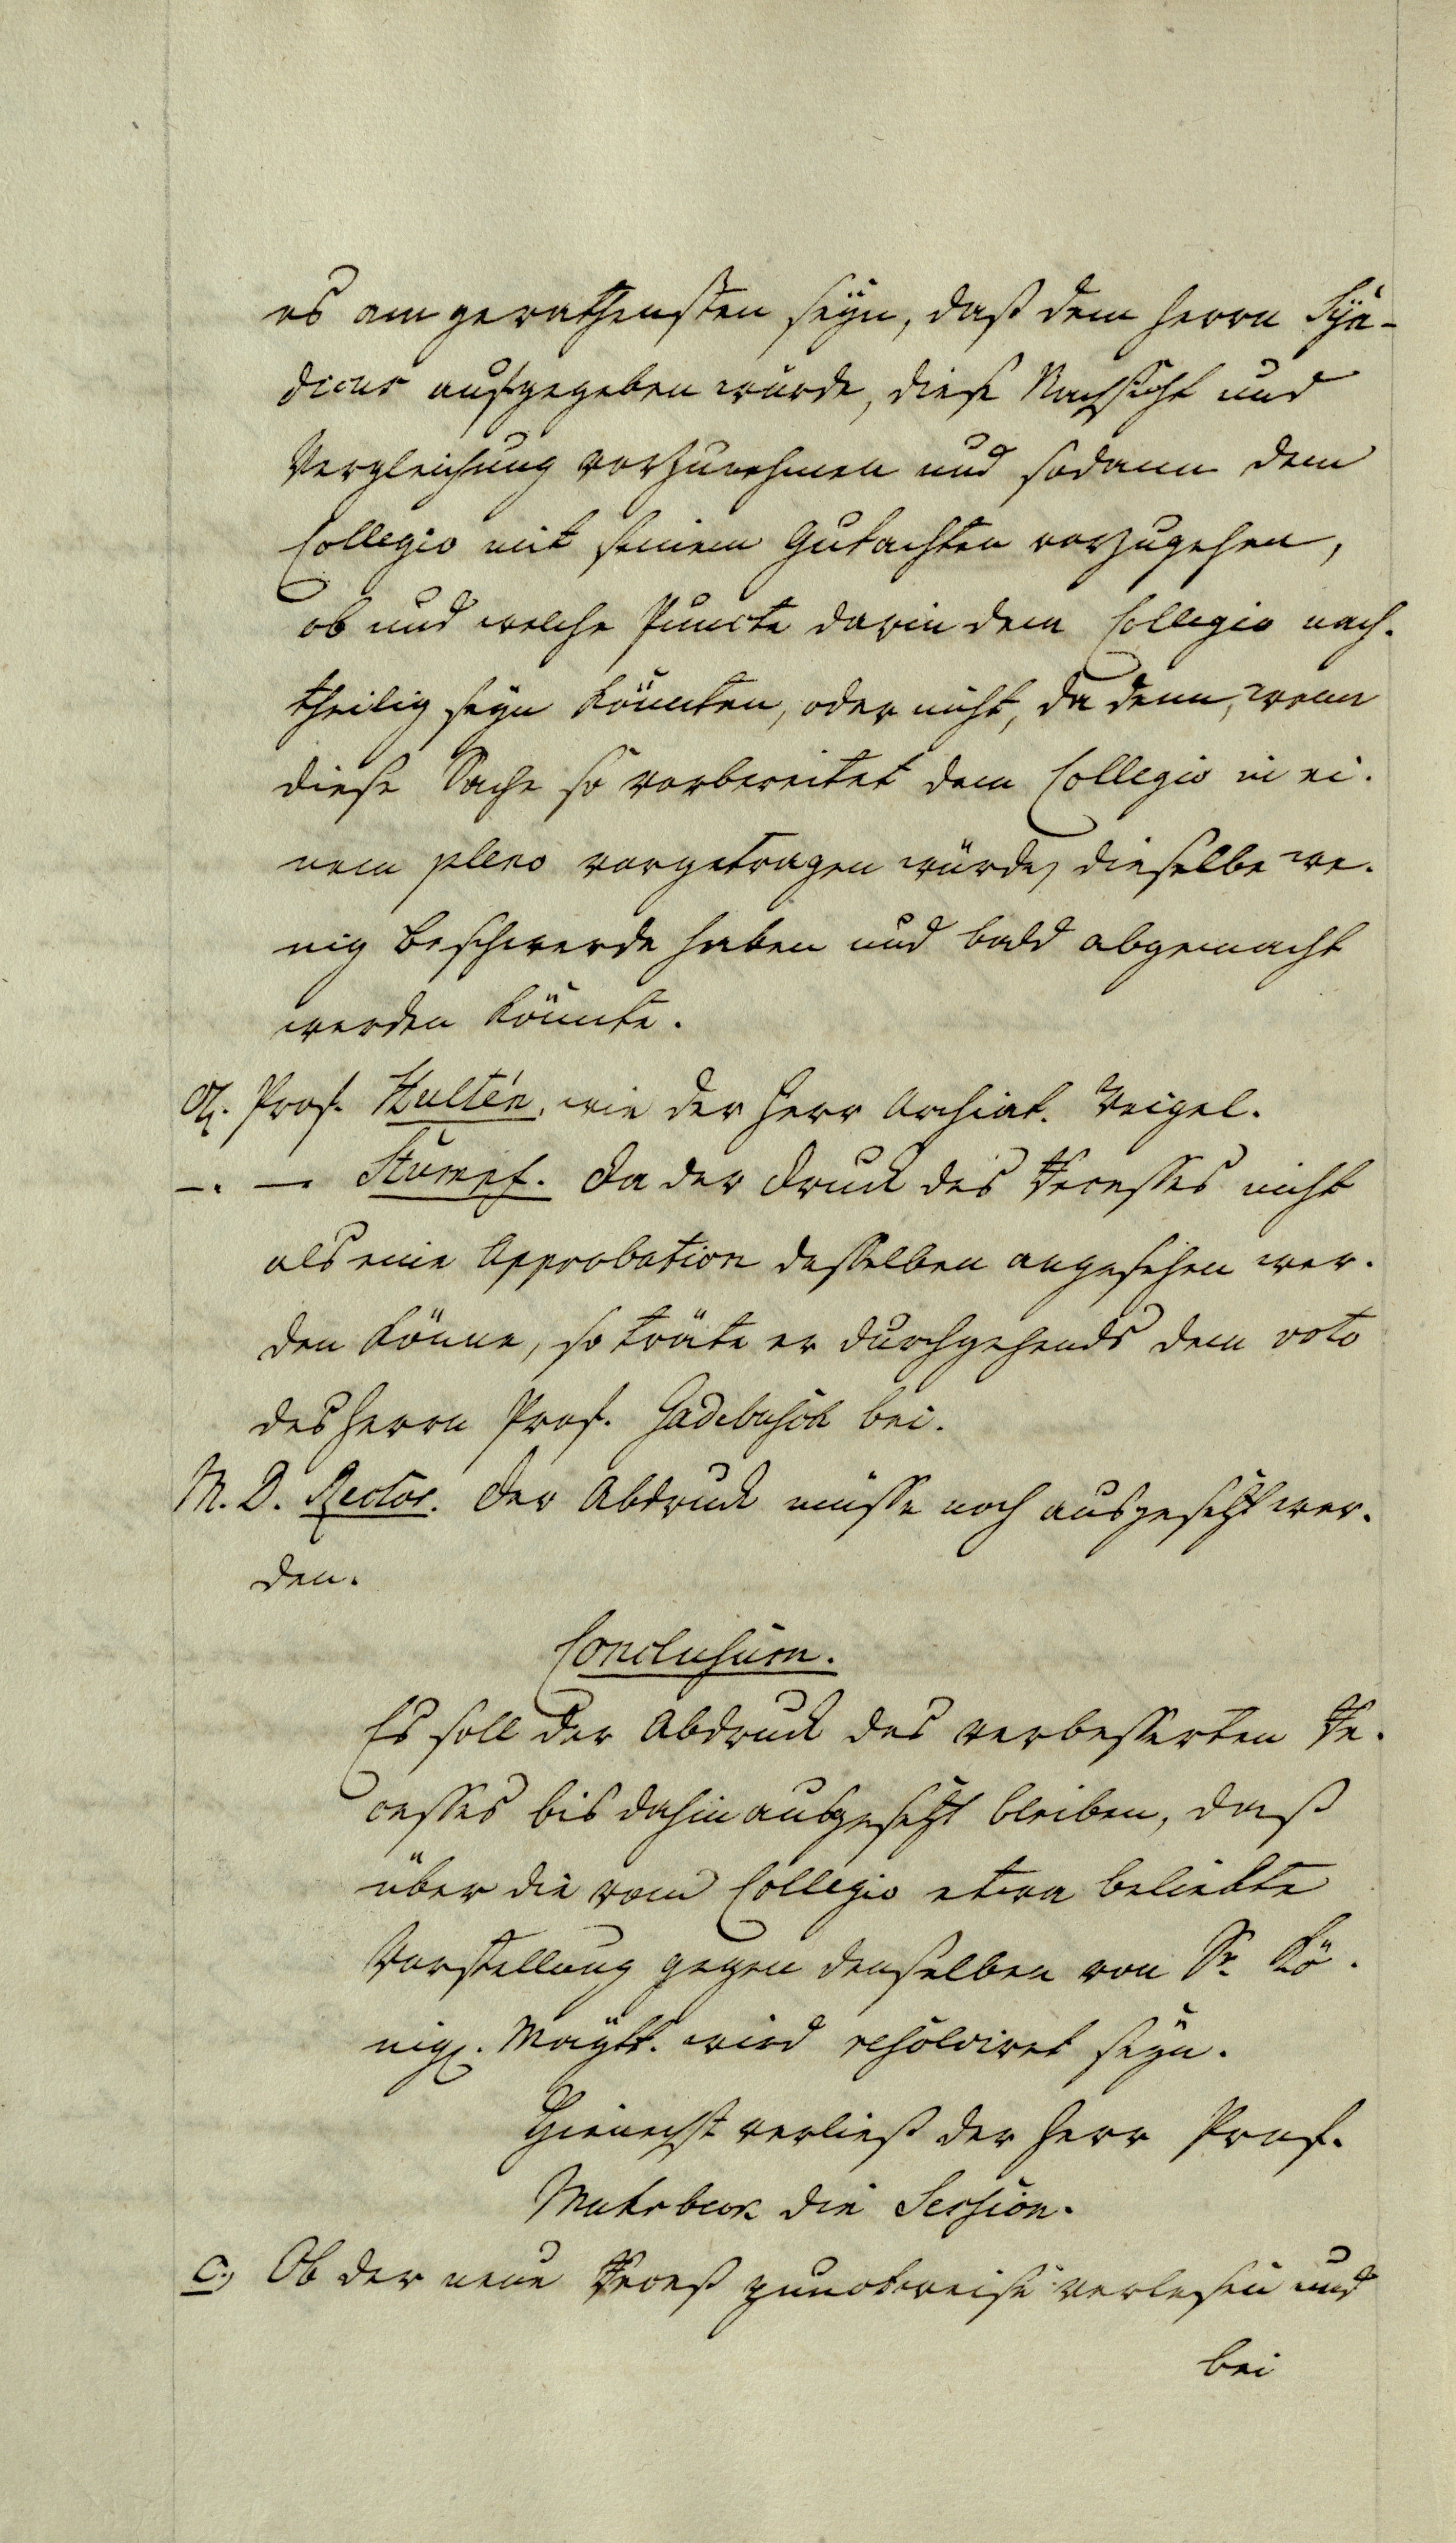es am gerathensten seÿn, daß dem Herrn Sÿn¬
dicus aufgegeben würde, diese Nachsicht und
Vergleichung vorzunehmen und sodann dem
Collegio mit seinem Gutachten vorzugehen,
ob und welche Puncte darin dem Collegio nach¬
theilig seÿn könnten, oder nicht, da denn, wenn
diese Sache so vorbereitet dem Collegio in ei¬
nem pleno vorgetragen würde, dieselbe we¬
nig Beschwerde haben und bald abgemacht
werden könnte.
dh. Prof. Hultén, wie der Herr Archiat. Weigel.
Stumpf. Da der Druck des Recesses nicht
als eine Approbation desselben angesehen wer¬
den könne, so träte er durchgehends dem voto
des Herrn Prof. Gadebusch bei.
M. D. Rector. Der Abdruck müsse noch ausgesetzt wer¬
den.
Conclusum.
Es soll der Abdruck des verbesserten Re¬
cesses bis dahin ausgesetzt bleiben, daß
über die vom Collegio etwa beliebte
Vorstellung gegen denselben von Sr Kö¬
nigl. Maÿtt. wird resolviret seÿn.
Hienechst verließ der Herr Prof.
Muhrbeck die Session.
c., Ob der neue Receß punctweise verlesen und
bei